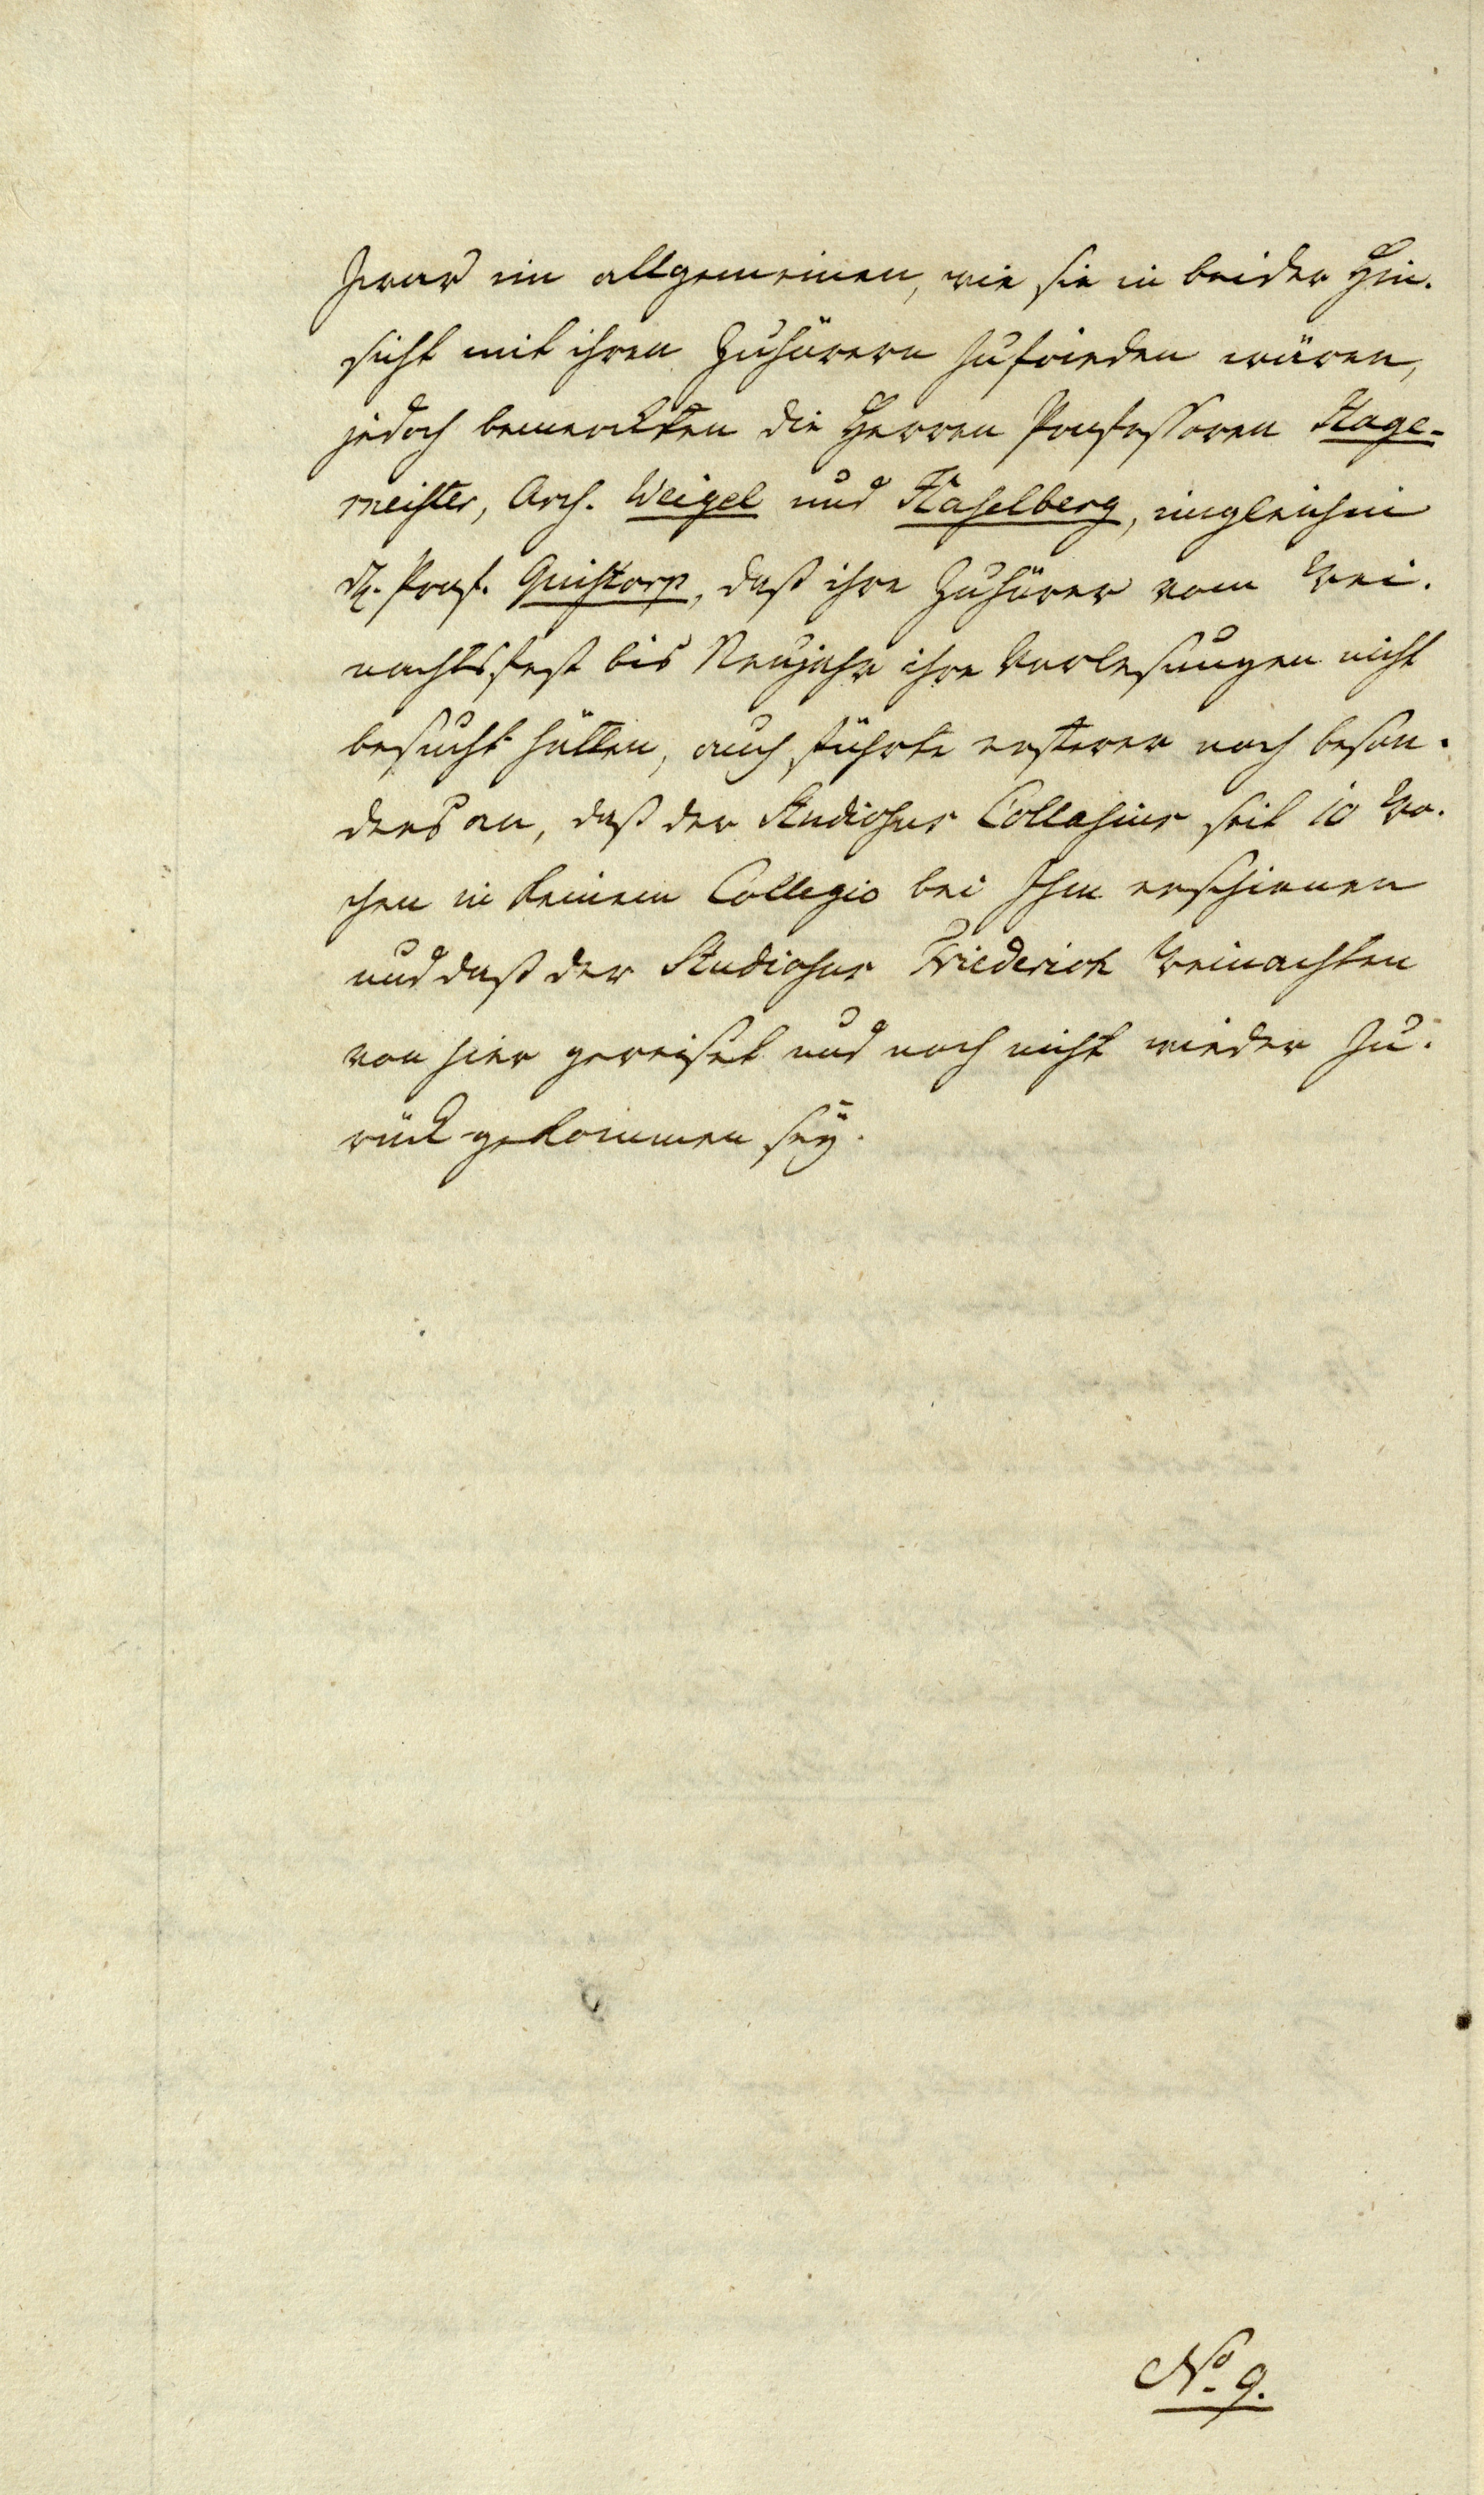zwar im allgemeinen, wie sie in beider Hin¬
sicht mit ihren Zuhörern zufrieden wären,
jedoch bemerckten die Herren Professoren Hage¬
meister, Arch. Weigel und Haselberg, imgleichen
dh. Prof. Quistorp, daß ihre Zuhörer vom Wei¬
nachtsfest bis Neujahr ihre Vorlesungen nicht
besucht hätten, auch führte ersterer noch beson¬
ders an, daß der Studiosus Collasius seit 10 Wo¬
chen in keinem Collegio bei Ihm erschienen
und daß der Studiosus Friederich Weinachten
von hier gereiset und noch nicht wieder zu¬
rüick gekommen seÿ.